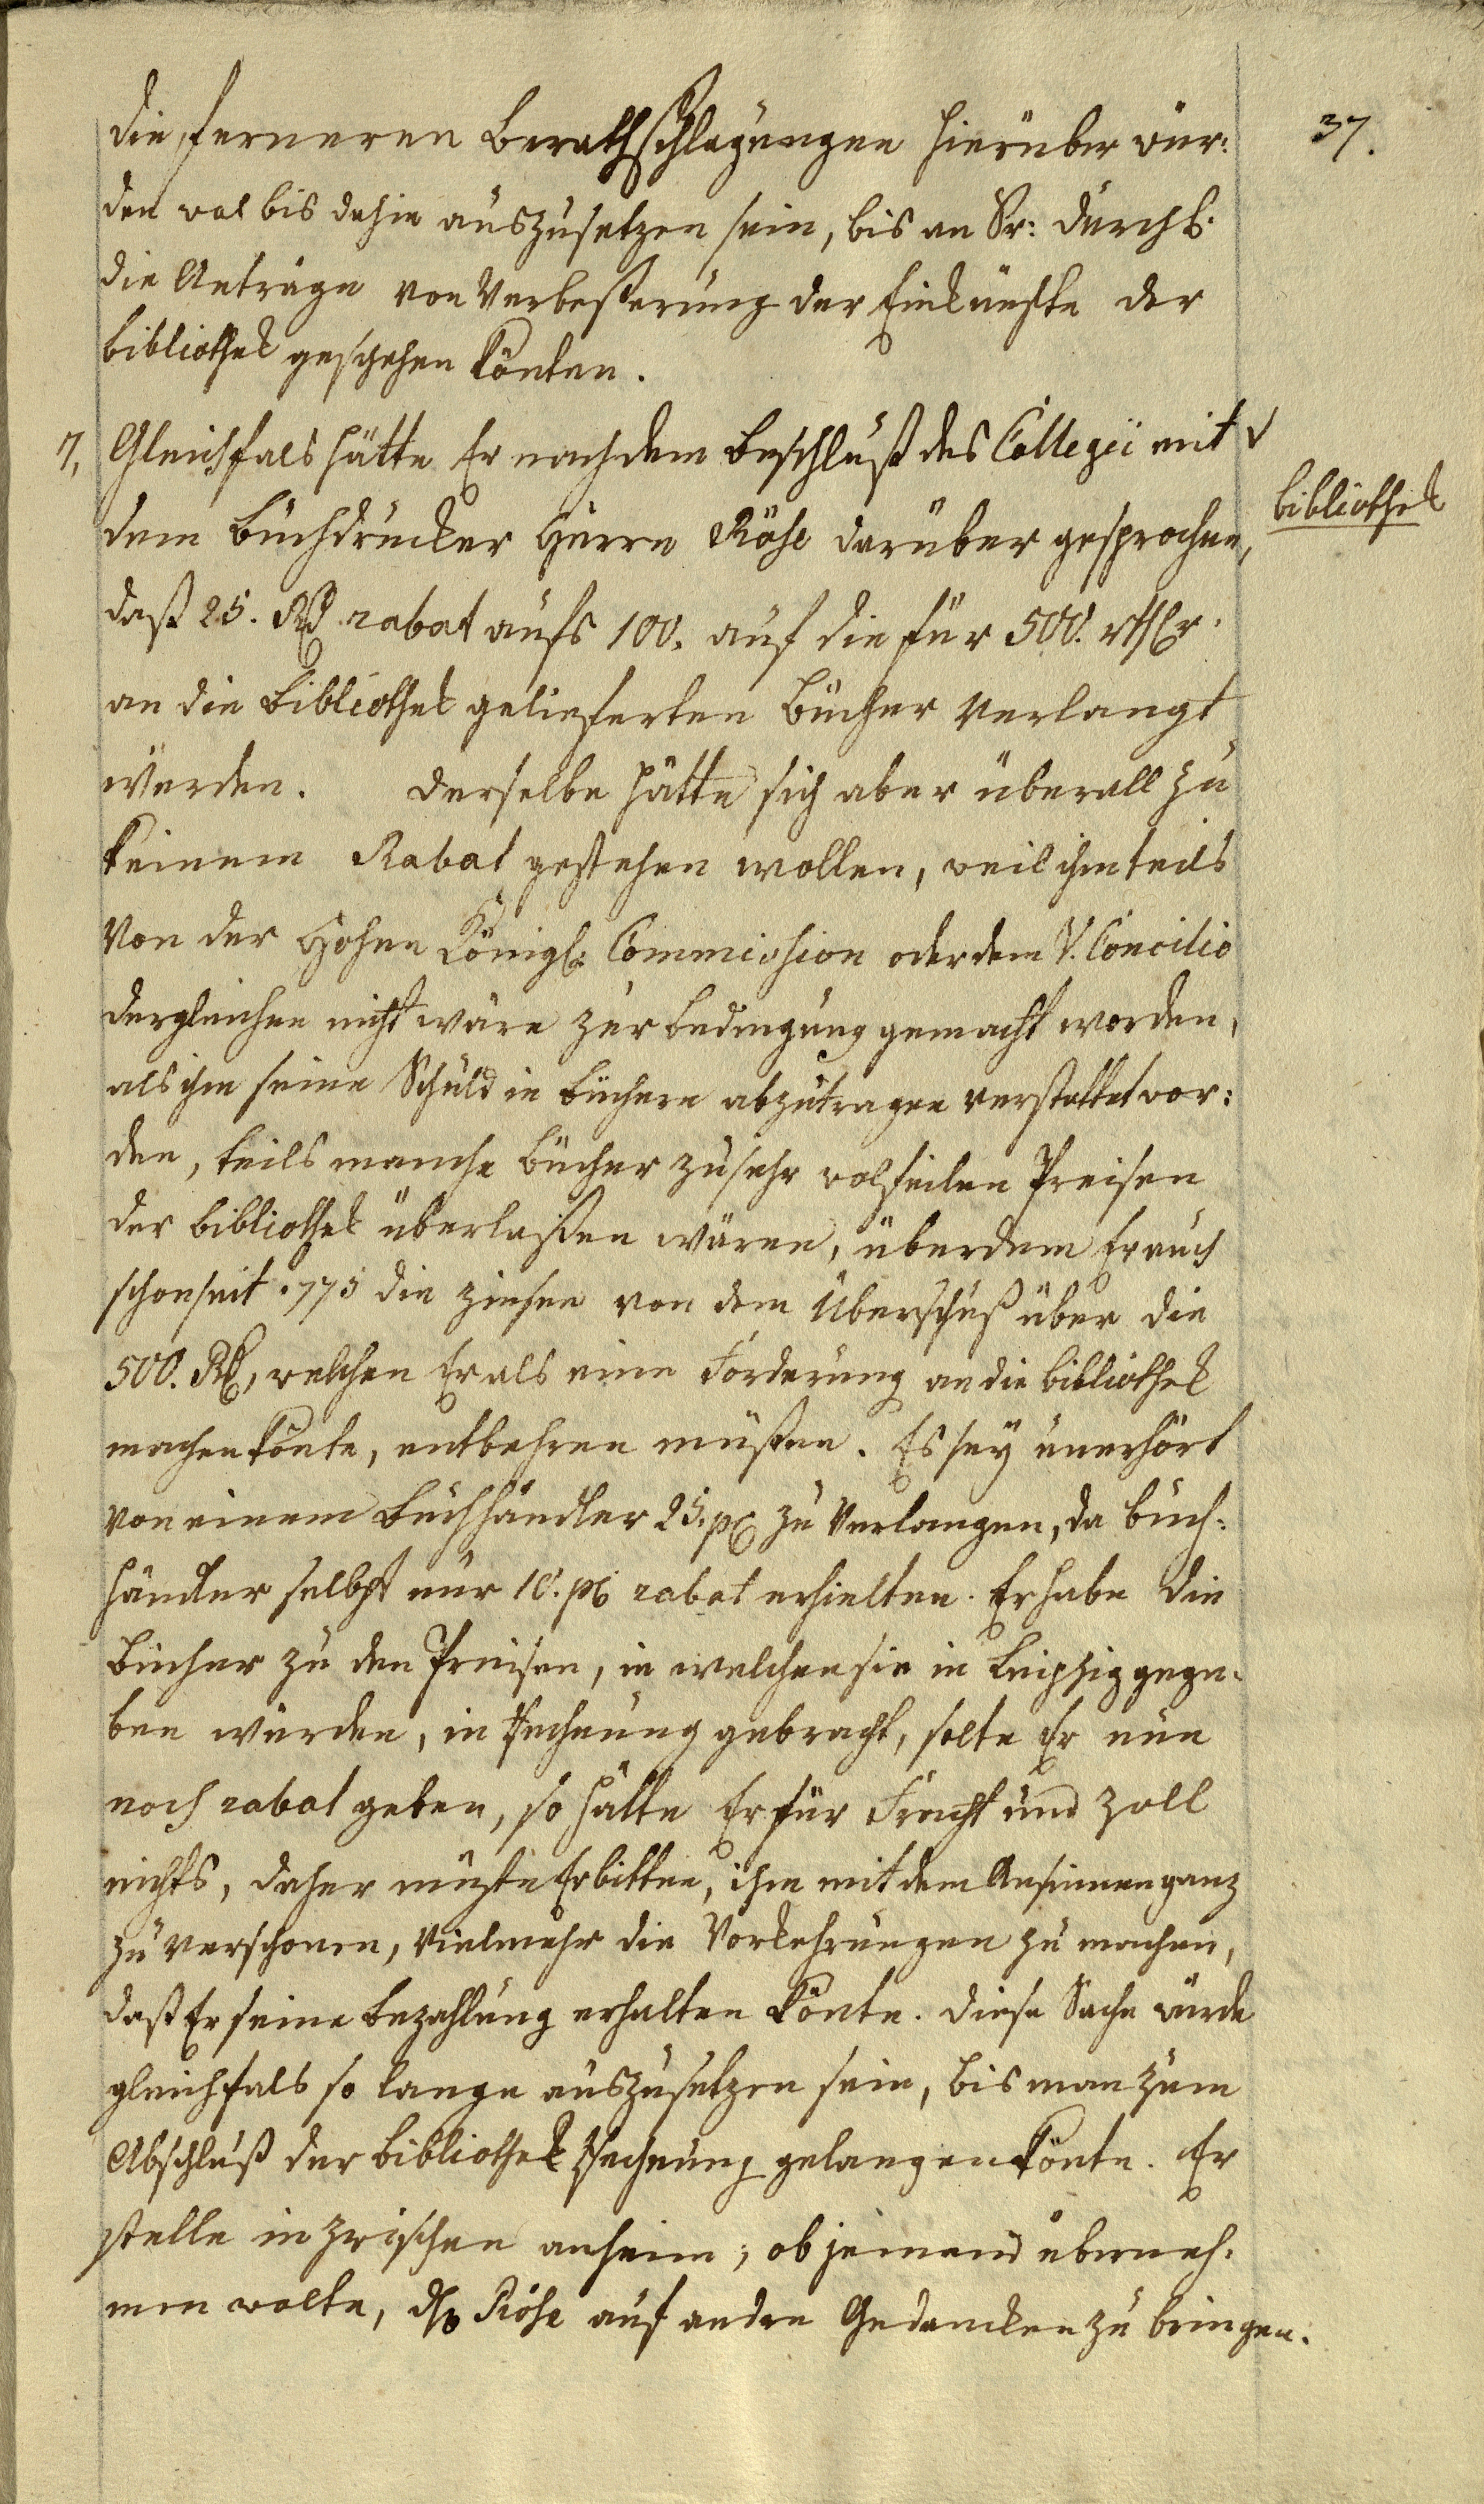die ferneren Berathschlagungen hierüber wür¬
den wol bis dahin auszusetzen sein, bis an Sr Durchl.
die Anträge von Verbeßerung der Einkünfte der
Bibliothek geschehen könten.
7. Gleichfals hätte Er nach dem Beschluß des Collegii mit
dem Buchdrucker Herrn Röse darüber gesprochen,
daß 25 Rt. rabat aufs 100. auf die für 500. rthlr.
an die Bibliothek gelieferten Bücher verlangt
würden. Derselbe hätte sich aber überall zu
keinem Rabat gestehen wollen, weil ihm teils
von der Hohen Königl. Commission oder dem V. Concilio
dergleichen nicht wäre zur Bedingung gemacht worden,
als ihm seine Schuld in Büchern abzutragen verstattet wor¬
den, teils manche Bücher zu sehr wolfeilen Preisen
der Bibliothek überlaßen wären, überdem Er auch
schon seit 1775 die Zinsen von dem Überschuß über die
500 Rt., welchen Er als eine Forderung an die Bibliothek
machen könte, entbehren müßen. Es seÿ unerhört
von einem Buchhändler 25 pc. zu verlangen, da Buch¬
händler selbst nur 10 pc. rabat erhielten. Er habe die
Bücher zu den Preisen, in welchen sie in Leipzig gege¬
ben würden, in Rechnung gebracht, solte Er nun
noch rabat geben, so hätte Er für Fracht und Zoll
nichts, daher müste Er bitten, ihm mit dem Ansinnen gnaz
zu verschonen, vielmehr die Vorkehrungen zu machen,
daß Er seine Bezahlung erhalten könte. Diese Sache würde
gleichfals so lange auszusetzen sein, bis man zum
Abschluß der Bibliothek Rechnung gelangen könte. Er
stelle inzwischen anheim; ob jemand überneh¬
men wolte, dh Röse auf andre Gedancken zu bringen.